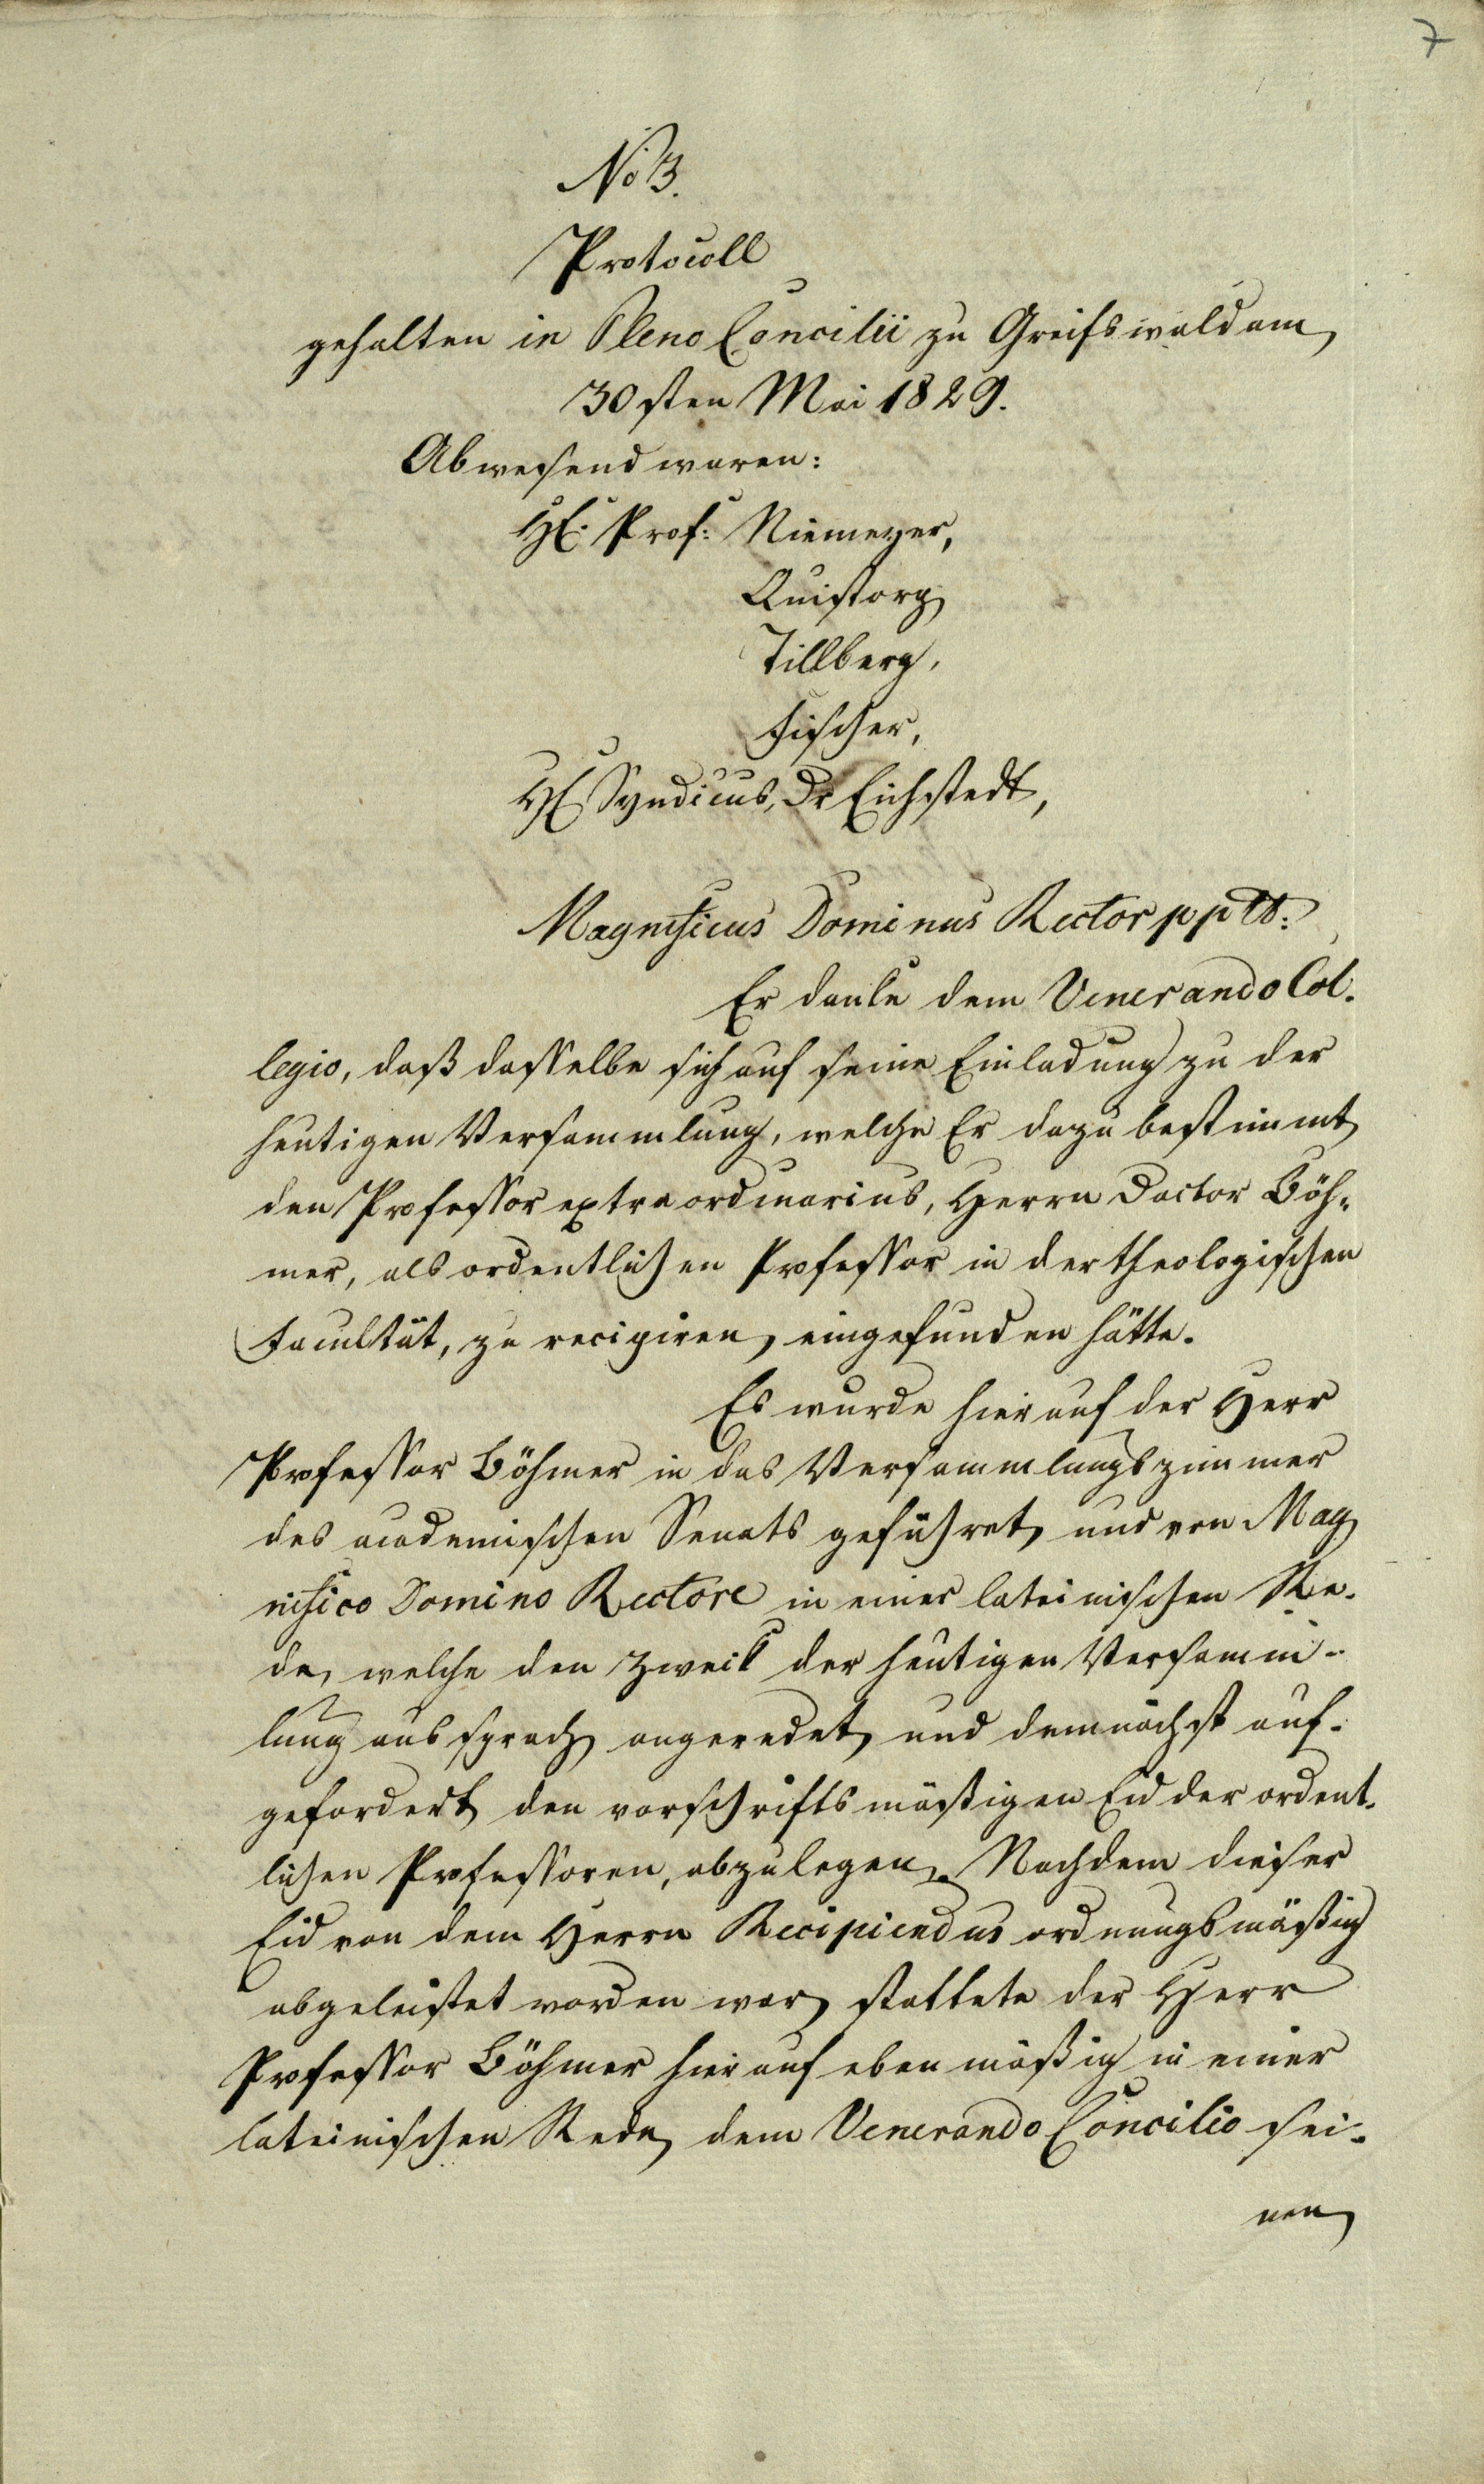Nº 3.
Protocoll
gehalten in Pleno Concilii zu Greifswald am
30sten Mai 1829.
Abwesend waren:
HE Prof: Niemeyer,
Quistorp,
Tillberg,
Fischer,
HE Syndicus, Dr Eichstedt,
Magnificus Dominus Rector pp tt:
Er danke dem Venerando Col¬
legio, daß dasselbe sich auf seine Einladung zu der
heutigen Versammlung, welche Er dazu bestimmt,
den Professor extraordinarius, Herrn Doctor Böh¬
mer, als ordentlichen Professor in der theologischen
Facultät zu recipiren, eingefunden hätte.
Es wurde hierauf der Herr
Professor Böhmer in das Versammlungszimmer
des academischen Senats geführet und von Mag¬
nifico Domino Rectore in einer lateinischen Re¬
de welche den Zweck der heutigen Versamm¬
lung aussprach angeredet und demnächst auf¬
gefordert, den vorschriftsmäßigen Eid der ordent¬
lichen Professoren abzulegen. Nachdem dieser
Eid von dem Herrn Recipiendus ordnungsmäßig
abgeleistet worden war stattete der Herr
Professor Böhmer hierauf eben mäßig in einer
lateinischen Rede dem Venerando Concilio sei¬
nen